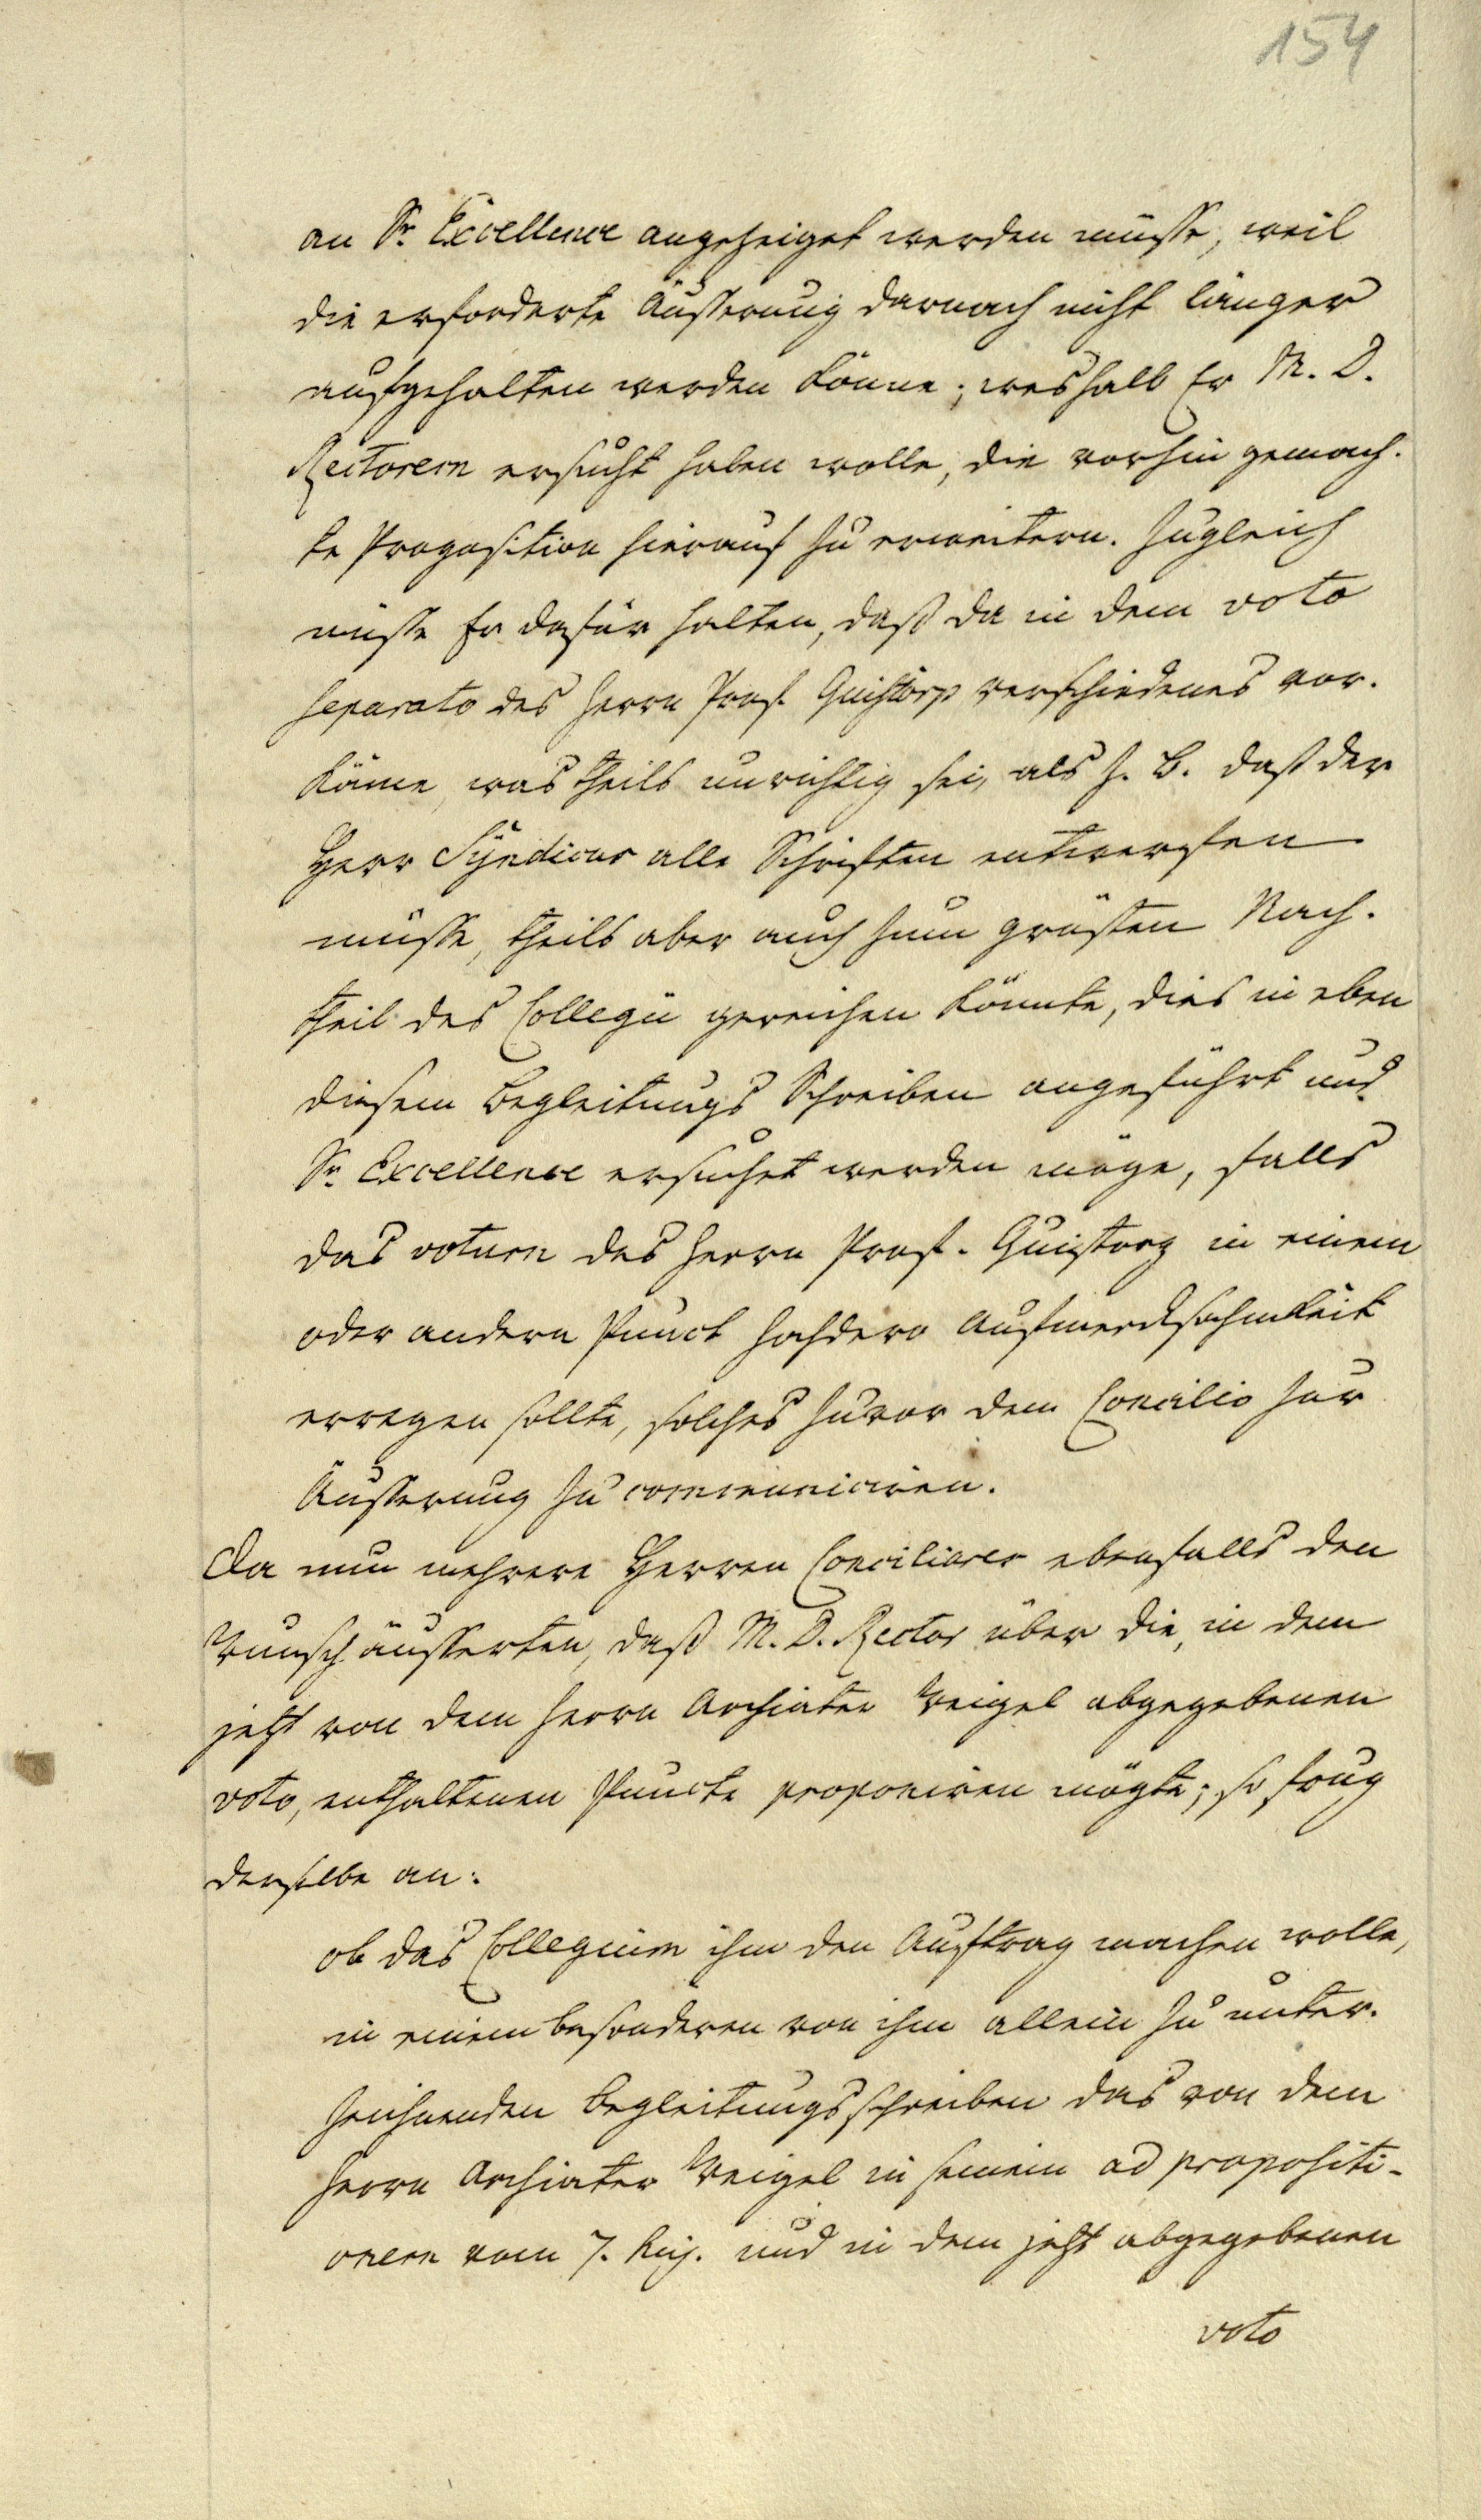an Sr Excellence angezeiget werden müsse, weil
die erforderte Äusserung darnach nicht länger
aufgehalten werden könne; weshalb Er M. D.
Rectorem ersucht haben wolle, die vorhin gemach¬
te Proposition hierauf zu erweitern. Zugleich
müsse Er dafür halten, daß da in dem voto
separato des Herrn Prof. Quistorp verschiedenes vor¬
käme was theils unrichtig sei, als z. B. daß der
Herr Sÿndicus alle Schriften entwerfen
müsse, theils aber auch zum grösten Nach¬
theil des Collegii gereichen könnte, dies in eben
diesem Begleitungs Schreiben angeführt und
Sr Excellence ersuchet werden möge, falls
das votum des Herrn Prof. Quistorp in einem
oder andern Punct hochdero Aufmercksahmkeit
erregen sollte, solches zuvor dem Concilio zur
Äusserung zu communiciren.
Da nun mehrere Herren Conciliares ebenfalls den
Wunsch äusserten, daß M. D. Rector über die, in dem
jetzt von dem Herrn Archiater Weigel abgegebenen
voto, enthaltenen Puncte proponiren mögte; so frug
derselbe an:
ob das Collegium ihm den Auftrag machen wolle,
in einem besonderen von ihm allein zu unter¬
zeichnenden Begleitungsschreiben das von dem
Herrn Archiater Weigel in seinem ad propositi¬
onem vom 7. huj. und in dem jetzt abgegebenen
voto